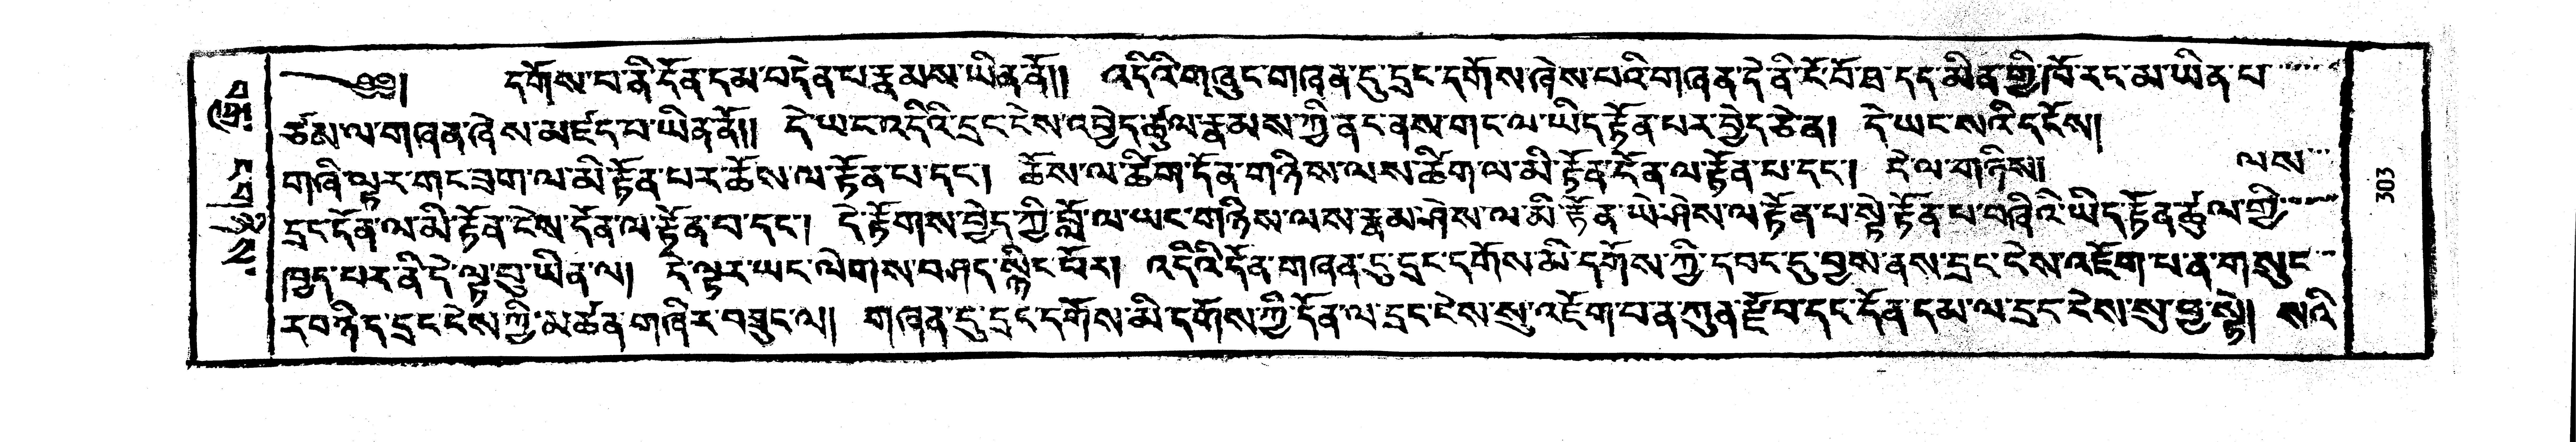༄༅། །དགོས་པ་ནི་དོན་དམ་བདེན་པ་རྣམས་ཡིན་ནོ། །འདིའི་གཞུང་གཞན་དུ་དྲང་དགོས་ཞེས་པའི་གཞན་དེ་ནི་ངོ་བོ་ཐ་དད་མིན་གྱི་ཁོ་རང་མ་ཡིན་པ་
ཙམ་ལ་གཞན་ཞེས་མཛད་པ་ཡིན་ནོ། །དེ་ཡང་འདིའི་དྲང་ངེས་འབྱེད་ཚུལ་རྣམས་ཀྱི་ནང་ནས་གང་ལ་ཡིད་རྟོན་པར་བྱེད་ཅེ་ན། དེ་ཡང་སའི་དངོས།
གཞི་ལྟར་གང་ཟག་ལ་མི་རྟོན་པར་ཆོས་ལ་རྟོན་པ་དང་། ཆོས་ལ་ཚིག་དོན་གཉིས་ལས་ཚིག་ལ་མི་རྟོན་དོན་ལ་རྟོན་པ་དང་། དེ་ལ་གཉིས། ལས་
དྲང་དོན་ལ་མི་རྟོན་ངེས་དོན་ལ་རྟོན་པ་དང་། དེ་རྟོགས་བྱེད་ཀྱི་བློ་ལ་ཡང་གཉིས་ལས་རྣམ་ཤེས་ལ་མི་རྟོན་ཡེ་ཤེས་ལ་རྟོན་པ་སྟེ་རྟོན་པ་བཞིའི་ཡིད་རྟོན་ཚུལ་གྱི་
ཁྱད་པར་ནི་དེ་ལྟ་བུ་ཡིན་ལ། དེ་ལྟར་ཡང་ལེགས་བཤད་སྙིང་པོར། འདིའི་དོན་གཞན་དུ་དྲང་དགོས་མི་དགོས་ཀྱི་དབང་དུ་བྱས་ནས་དྲང་ངེས་འཇོག་པ་ན་གསུང་
རབ་ཉིད་དྲང་ངེས་ཀྱི་མཚན་གཞིར་བཟུང་ལ། གཞན་དུ་དྲང་དགོས་མི་དགོས་ཀྱི་དོན་ལ་དྲང་ངེས་སུ་འཇོག་པ་ན་ཀུན་རྫོབ་དང་དོན་དམ་ལ་དྲང་ངེས་སུ་བྱ་སྟེ། སའི་